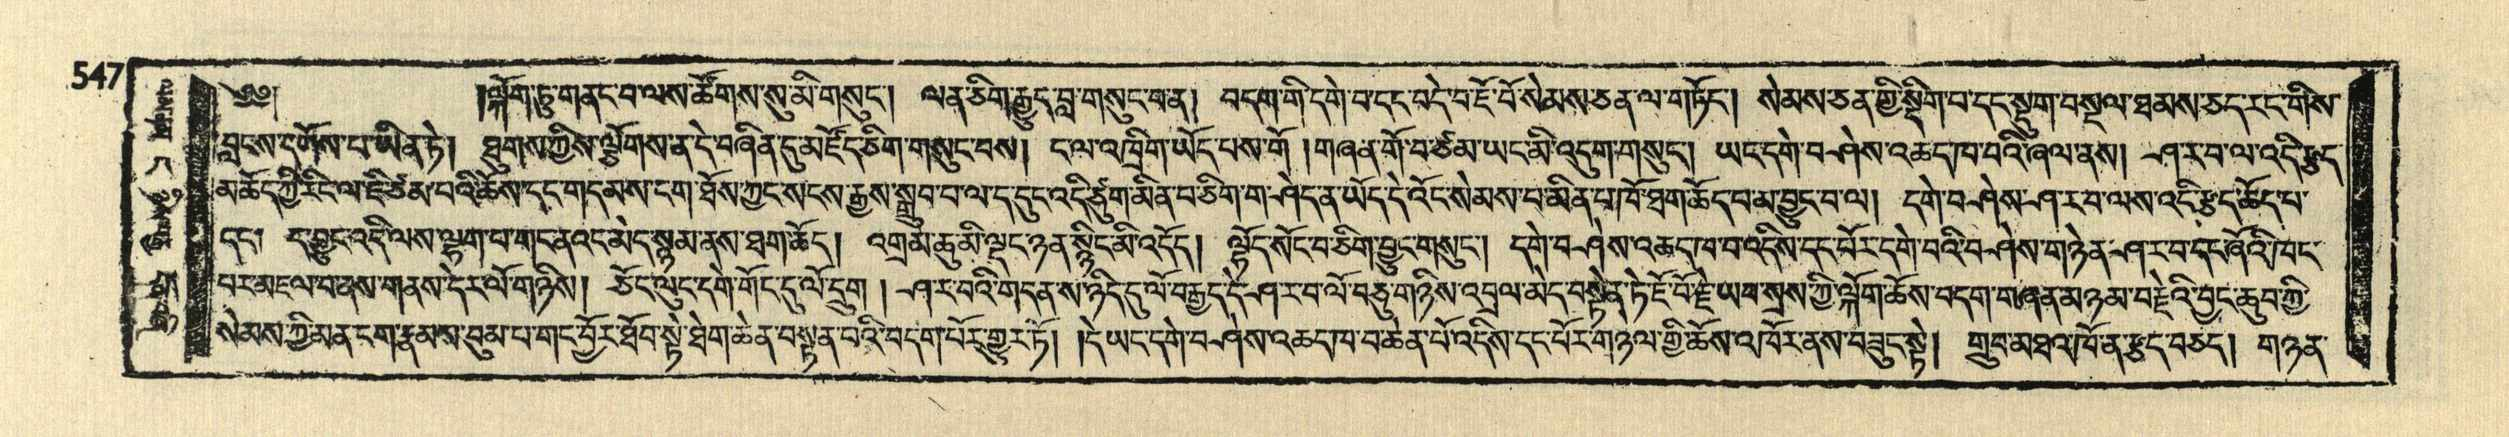༄༅། །ལྐོག་ཏུ་གནང་བ་ལས་ཚོགས་སུ་མི་གསུང་། ལན་ཅིག་རྒྱུད་བླ་གསུང་བ་ན། བདག་གི་དགེ་བ་དང་བདེ་བ་ཇོ་བོ་སེམས་ཅན་ལ་གཏོང་། སེམས་ཅན་གྱི་སྡིག་བ་དང་སྡུག་བསྔལ་ཐམས་ཅད་རང་གིས་
བླངས་དགོས་པ་ཡིན་ཏེ། ཐུགས་ཀྱིས་ལྕོགས་ན་དེ་བཞིན་དུ་མཛོད་ཅིག་གསུང་བས། ང་ལ་འཁྲིག་ཡོད་པས་གོ །གཞན་གོ་བ་ཙམ་ཡང་མི་འདུག་གསུང་། ཡང་དགེ་བཤེས་འཆང་ཁ་བའི་ཞལ་ནས། ཤ་ར་བ་ལ་འདི་རྩད་
མཆོད་ཀྱི་རིང་ལ་ཇི་ཙམ་བའི་ཆོས་དང་གདམས་ངག་ཐོས་ཀྱང་སངས་རྒྱས་སྒྲུབ་བ་ལ་ད་དུང་འདི་ཙུག་མིན་བ་ཅིག་གཤེད་ན་ཡོད་དེ་འོང་སེམས་པ་མིན་པ་ཁོ་ཐག་ཆོད་པ་མ་བྱུང་བ་ལ། དགེ་བཤེས་ཤར་བ་ལས་འདི་རྩད་ཆོད་པ་
དང་། ད་བྱུང་འདི་ལས་ལྷག་པ་གང་ནའང་མེད་སྙམ་ནས་ཐག་ཆོད། འགྲམ་ཆུ་མི་ལྡང་ཉན་སྙིང་མི་འདོད། ལྷོད་སོང་བ་ཅིག་བྱུང་གསུང་། དགེ་བཤེས་འཆད་ཁ་བ་འདིས་དང་པོར་དགེ་བའི་བཤེས་གཉེན་ཤར་བ་དང་ཞོའི་ཁང་
པར་མཇལ་བ་ནས་གནས་དེར་ལོ་གཉིས། ཅོང་ལུང་དགེ་གོང་དུ་ལོ་དྲུག །ཤར་བའི་གདན་ས་ཉིད་དུ་ལོ་བརྒྱད་དེ་ཤར་བ་ལོ་བཅུ་གཉིས་འབྲལ་མེད་བསྟེན་ཏེ་ཇོ་བོ་རྗེ་ཡབ་སྲས་ཀྱི་ལྐོག་ཆོས་བདག་གཞན་མཉམ་བརྗེའི་བྱང་ཆུབ་ཀྱི་
སེམས་ཀྱི་མན་ངག་རྣམས་བུམ་པ་གང་བྱོར་ཐོབ་སྟེ་ཐེག་ཆེན་བསྟན་པའི་བདག་པོར་གྱུར་ཏོ། །དེ་ཡང་དགེ་བཤེས་འཆད་ཁ་བ་ཆེན་པོ་འདིས་དང་པོར་གཉལ་གྱི་ཆོས་འཁོར་ནས་བཟུང་སྟེ། གྲུབ་མཐའ་ཁོ་ན་རྩད་བཅད། གཉན་